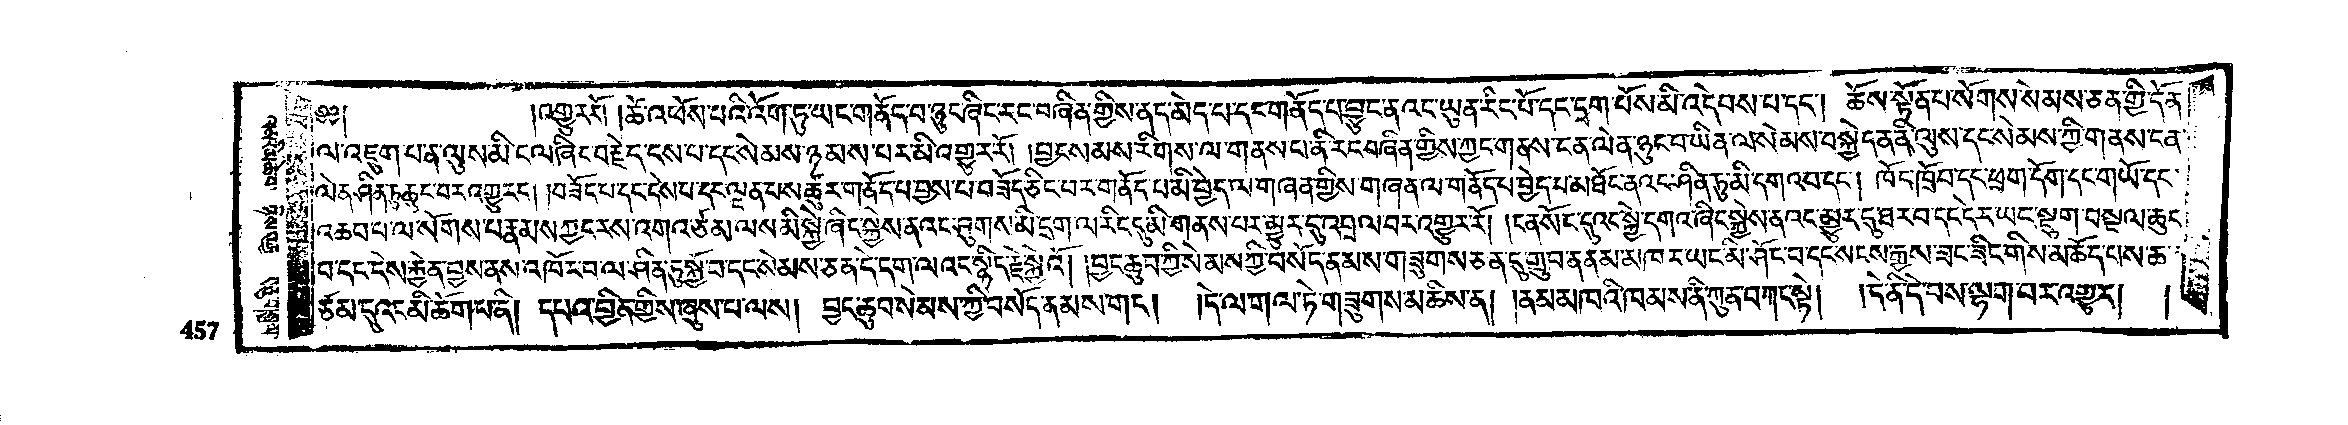༄༅། །འགྱུར་རོ། །ཚེ་འཕོས་པའི་འོག་ཏུ་ཡང་གནོད་པ་ཉུང་ཞིང་རང་བཞིན་གྱིས་ནད་མེད་པ་དང་གནོད་པ་བྱུང་ནའང་ཡུན་རིང་པོ་དང་དྲག་པོས་མི་འདེབས་པ་དང་། ཆོས་སྟོན་པ་སོགས་སེམས་ཅན་གྱི་དོན་
ལ་འཇུག་པ་ན་ལུས་མི་ངལ་ཞིང་བརྗེད་ངས་པ་དང་སེམས་ཉམས་པར་མི་འགྱུར་རོ། །བྱང་སེམས་རིགས་ལ་གནས་པ་ནི་རང་བཞིན་གྱིས་ཀྱང་གནས་ངན་ལེན་ཉུང་བ་ཡིན་ལ་སེམས་བསྐྱེད་ན་ནི་ལུས་དང་སེམས་ཀྱི་གནས་ངན་
ལེན་ཤིན་ཏུ་ཆུང་བར་འགྱུར་རོ། །བཟོད་པ་དང་དེས་པ་དང་ལྡན་པས་ཚུར་གནོད་པ་བྱས་པ་བཟོད་ཅིང་ཕར་གནོད་པ་མི་བྱེད་ལ་གཞན་གྱིས་གཞན་ལ་གནོད་པ་བྱེད་པ་མཐོང་ནའང་ཤིན་ཏུ་མི་དགའ་བ་དང་། ཁོང་ཁྲོ་བ་དང་ཕྲག་དོག་དང་གཡོ་དང་
འཆབ་པ་ལ་སོགས་པ་རྣམས་ཀྱང་རེས་འགའ་ཙམ་ལས་མི་སྐྱེ་ཞིང་སྐྱེས་ནའང་ཤུགས་མི་དྲག་ལ་རིང་དུ་མི་གནས་པར་མྱུར་དུ་འབྲལ་བར་འགྱུར་རོ། །ངན་སོང་དུའང་སྐྱེ་དཀའ་ཞིང་སྐྱེས་ནའང་མྱུར་དུ་ཐར་བ་དང་དེར་ཡང་སྡུག་བསྔལ་ཆུང་
བ་དང་དེས་རྐྱེན་བྱས་ནས་འཁོར་བ་ལ་ཤིན་ཏུ་སྐྱོ་བ་དང་སེམས་ཅན་དེ་དག་ལའང་སྙིང་རྗེ་སྐྱེའོ། །བྱང་ཆུབ་ཀྱི་སེམས་ཀྱི་བསོད་ནམས་གཟུགས་ཅན་དུ་གྲུབ་ན་ནམ་མཁར་ཡང་མི་ཤོང་བ་དང་སངས་རྒྱས་ཟང་ཟིང་གིས་མཆོད་པས་ཆ་
ཙམ་དུའང་མི་ཆོག་པ་ནི། དཔའ་བྱིན་གྱིས་ཞུས་པ་ལས། བྱང་ཆུབ་སེམས་ཀྱི་བསོད་ནམས་གང་། །དེ་ལ་གལ་ཏེ་གཟུགས་མཆིས་ན། །ནམ་མཁའི་ཁམས་ནི་ཀུན་བཀང་སྟེ། །དེ་ནི་དེ་བས་ལྷག་པར་འགྱུར། །